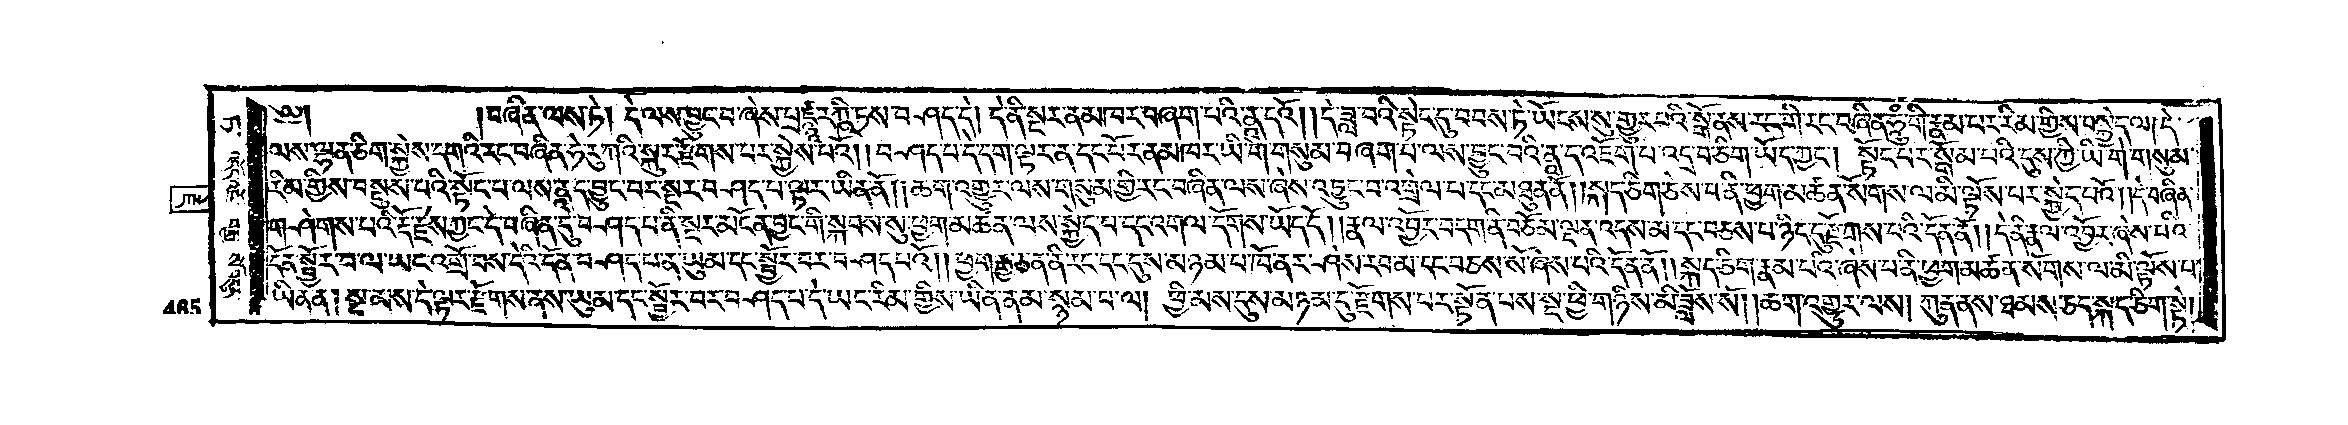༄༅། །བཞིན་ལས་ཏེ། དེ་ལས་བྱུང་བ་ཞེས་པྲཛྙཱ་རཀྵི་ཏས་བཤད་དེ། དེ་ནི་སྔར་ནམ་མཁར་བཞག་པའི་ནཱ་དའོ། །དེ་ཟླ་བའི་སྟེང་དུ་བབས་ཏེ་ཡོངས་སུ་གྱུར་པའི་སྒོ་ནས་རང་གི་རང་བཞིན་ཧཱུཾ་གི་རྣམ་པར་རིམ་གྱིས་བསྐྱེད་ལ། དེ་
ལས་ལྷན་ཅིག་སྐྱེས་དགའི་རང་བཞིན་ཧེ་རུ་ཀའི་སྐུར་རྫོགས་པར་སྐྱེས་པའོ། །བཤད་པ་དེ་དག་ལྟར་ན་དང་པོར་ནམ་མཁར་ཡི་གེ་གསུམ་བཞག་པ་ལས་བྱུང་བའི་ནཱ་ད་འཇོག་པ་འདྲ་བ་ཅིག་ཡོད་ཀྱང་། སྟོང་པར་སྒོམ་པའི་དུས་ཀྱི་ཡི་གེ་གསུམ་
རིམ་གྱིས་བསྡུས་པའི་སྟོང་པ་ལས་ནཱ་ད་བྱུང་བར་སྔར་བཤད་པ་ལྟར་ཡིན་ནོ། །ཆག་འགྱུར་ལས་གསུམ་གྱི་རང་བཞིན་ལས་ཞེས་འབྱུང་བ་འགྲེལ་པ་དང་མཐུན་ནོ། །སྐད་ཅིག་ཅེས་པ་ནི་ཕྱག་མཚན་སོགས་ལ་མི་ལྟོས་པར་སྐྱེད་པའོ། །དེ་བཞིན་
གཤེགས་པའི་རྡོ་རྗེས་ཀྱང་དེ་བཞིན་དུ་བཤད་པ་ནི་སྔར་མངོན་བྱང་གི་སྐབས་སུ་ཕྱག་མཚན་ལས་སྐྱེད་པ་དང་འགལ་དོགས་ཡོད་དོ། །རྣལ་འབྱོར་བདག་ནི་བཅོམ་ལྡན་འདས་མ་དང་བཅས་པ་ཉིད་དུ་རྫོགས་པའི་དོན་ནོ། །དེ་ནི་རྣལ་འབྱོར་ཞེས་པའི་
དོན་སྦྱོར་བ་ལ་ཡང་འགྲོ་བས་དེའི་དོན་བཤད་པ་ན་ཡུམ་དང་སྦྱོར་བར་བཤད་པའོ། །ཕྱག་རྒྱ་ཅན་ནི་རང་དང་དུས་མཉམ་པ་ཁོ་ནར་ཤེས་རབ་མ་དང་བཅས་སོ་ཞེས་པའི་དོན་ནོ། །སྐད་ཅིག་རྣམ་པའི་ཞེས་པ་ནི་ཕྱག་མཚན་སོགས་ལ་མི་ལྟོས་པ་
ཡིན་ན། སྔ་མས་དེ་ལྟར་རྫོགས་ནས་ཡུམ་དང་སྦྱོར་བར་བཤད་པ་དེ་ཡང་རིམ་གྱིས་ཡིན་ནམ་སྙམ་པ་ལ། ཕྱི་མས་དུས་མཉམ་དུ་རྫོགས་པར་སྟོན་པས་སྔ་ཕྱི་གཉིས་མི་ཟློས་སོ། །ཆག་འགྱུར་ལས། ཀུན་ནས་ཐམས་ཅད་སྐད་ཅིག་སྟེ།